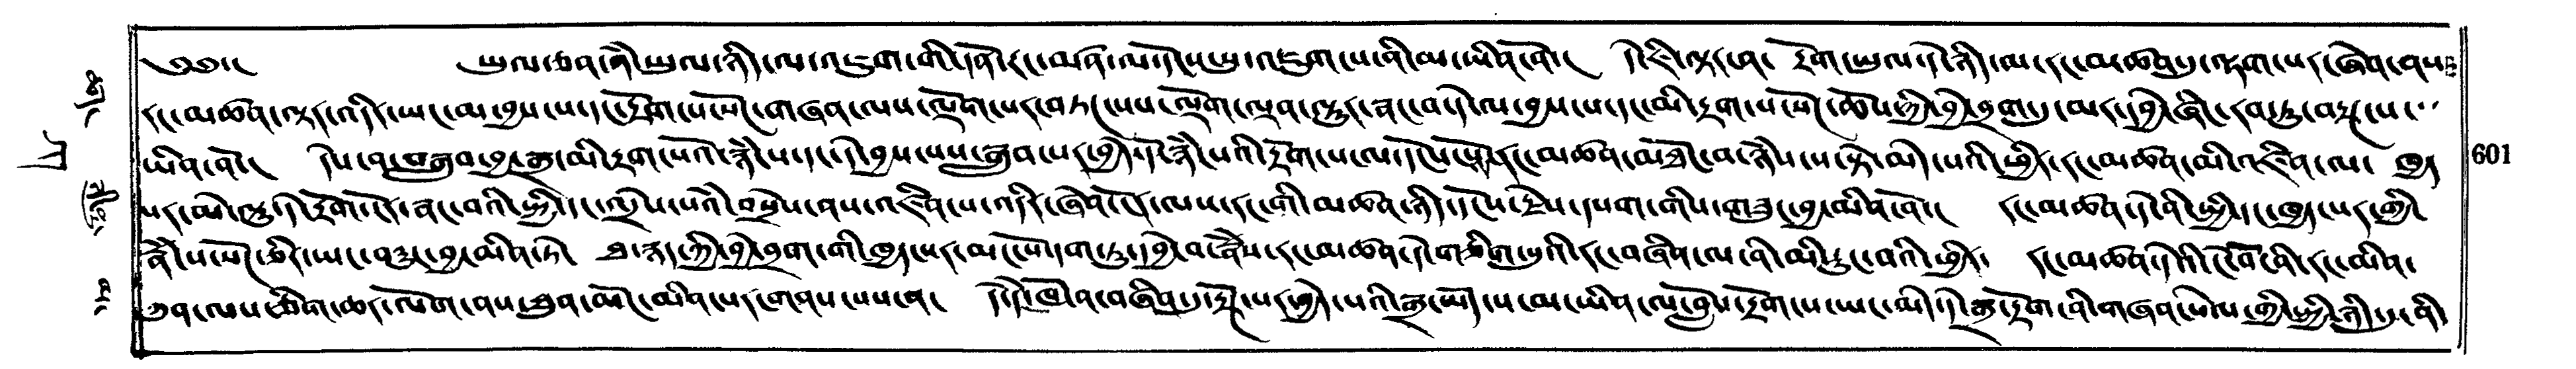ཡུལ་ཅན་ནམ་ཡུལ་ཉིད་ལ་འཇུག་གི་དོན་རང་མཚན་ལ་དངོས་སུ་འཇུག་པ་ནི་མ་ཡིན་ནོ།། དེ་ཇི་ལྟར་ན། རྟོག་ཡུལ་དེ་ཉིད་རང་མཚན་དུ་ལྷག་པར་ཞེན་ནས་
རང་མཚན་ལྟར་འདིར་ཡང་མ་བྱས་པ་དང་རྟོག་པ་སོགས་གཞན་ལས་ལྡོག་པར་བཏང་པས་ལྡོག་ལྡན་ལྟ་བུར་སྣང་བ་དེ་ལ་བྱས་པ་དང་མི་རྟག་པ་སོགས་ཆོས་ཀྱི་བྱེ་བྲག་ཏུ་མར་དབྱེ་ཞིང་རབ་ཏུ་བརྟགས་པ་
ཡིན་ནོ།།དེས་ན་བསྒྲུབ་བྱ་སྒྲ་མི་རྟག་པའོ་སྙམ་པ་དང་དེ་བྱས་པས་སྒྲུབ་པར་བྱེད་དོ་སྙམ་པའི་རྟོག་པ་ལ་དངོས་པོ་རང་མཚན་མཐོང་བ་ཉམས་པ་སྟེ་མེད་པའི་ཕྱིར་རང་མཚན་མི་འཛིན་ལ། ཁྱད་
པར་མེ་ལྟ་བུ་དེ་རྟོག་ངོར་སྣང་བའི་སྤྱི་དང་འདྲེས་པའམ་བསྲོས་ནས་འཛིན་པ་འདིར་ཞེན་ངོར་ལས་རང་གི་མཚན་ཉིད་དངོས་རྗེས་དཔག་གིས་གཟུང་བྱ་མིན་ནོ།། རང་མཚན་དེ་ནི་སྤྱི་དང་ཁྱད་པར་གྱི་
རྣམ་པ་སོགས་ཅིར་ཡང་བཟུང་བྱ་མིན་ཏེ། ཐ་སྙད་ཀྱི་བྱེ་བྲག་གི་ཁྱད་པར་མང་པོ་དག་ཏུ་དབྱེ་བ་རྣམས་རང་མཚན་དེ་གཅིག་པུའི་རང་བཞིན་ལ་ནི་མི་རུང་བའི་ཕྱིར། རང་མཚན་དེའི་ངོ་བོ་ནི་རང་མིན་
ཀུན་ལས་ཅིག་ཆར་ལོག་ནས་ཐུན་མོང་མིན་པར་གནས་པས་ན། དེ་དེ་ཁོ་ན་བཞིན་དུ་རྟོགས་པར་བྱེད་པའི་སྒྲ་ཡོད་པ་མ་ཡིན་ལ་བློས་རྟོག་པ་ཡང་མེད་དེ་སྒྲ་རྟོག་ནི་གཞན་སེལ་གྱི་སྤྱི་ཉིད་དུ་ནི་